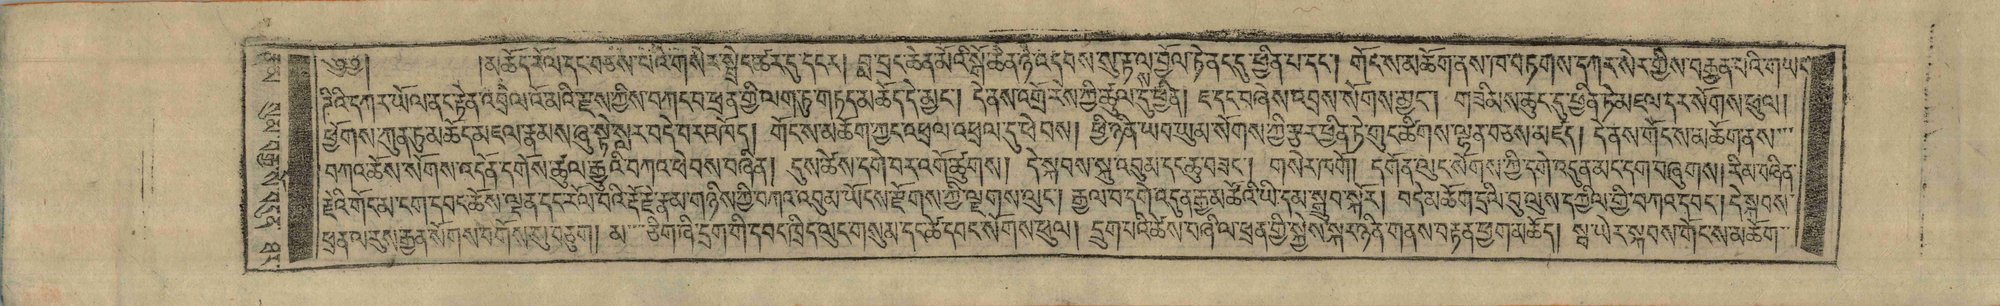༄༅། །མཆོད་རོལ་དང་བཅས་པའི་གསེར་སྦྲེང་ཚར་དུ་དངར། བླ་བྲང་ཆེན་མོའི་སྒོ་ཆེན་ཉེ་འདབས་སུ་རྟ་ལས་བྱོལ་ཏེ་ནང་དུ་ཕྱིན་པ་དང་། གོང་ས་མཆོག་ནས་ཁ་བཏགས་དཀར་སེར་གྱིས་བརྒྱན་པའི་གཡང་
ཌིའི་དཀར་ཡོལ་ནང་རྟེན་འབྲེལ་འོ་མའི་རྫས་ཀྱིས་བཀང་བ་ཕྲན་གྱི་ལག་ཏུ་གཏད་མཆོད་དེ་མྱང་། དེ་ནས་འགྲོ་རེས་ཀྱི་ཚུལ་དུ་ཕྱིན། ཇ་དང་བཞེས་འབྲས་སོགས་མྱང་། གཟིམས་ཆུང་དུ་ཕྱིན་ཏེ་མཇལ་དར་སོགས་ཕུལ།
ཕྱོགས་ཀུན་ཏུ་མཆོད་མཇལ་རྣམས་ཞུ་སྟེ་སླར་བདེ་བར་འཁོད། གོང་ས་མཆོག་ཀྱང་འཕྲལ་འཕྲལ་དུ་ཕེབས། ཕྱི་ཉིན་ཡབ་ཡུམ་སོགས་ཀྱི་རྩར་ཕྱིན་ཏེ་གུང་ཚིགས་ལྷན་བཅས་མཛད། དེ་ནས་གོང་ས་མཆོག་ནས་
བཀའ་ཆོས་སོགས་འདོན་དགོས་ཚུལ་རྒྱུའི་བཀའ་ཕེབས་བཞིན། དུས་ཚེས་དགེ་བར་འགོ་ཚུགས། དེ་སྐབས་སྐུ་འབུམ་དང་ཆུ་བཟང་། གསེར་ཁག་གོ །དགོན་ལུང་སོགས་ཀྱི་དགེ་འདུན་མང་དག་བཞུགས། རིམ་བཞིན་
རྗེའི་གོང་མ་ངག་དབང་ཆོས་ལྡན་དང་རོལ་བའི་རྡོ་རྗེ་རྣམ་གཉིས་ཀྱི་བཀའ་འབུམ་ཡོངས་རྫོགས་ཀྱི་ལྗགས་ལུང་། རྒྱལ་བ་དགེ་འདུན་རྒྱ་མཚོའི་ཡི་དམ་སྒྲུབ་སྐོར། བདེ་མཆོག་དྲིལ་བུ་ལུས་དཀྱིལ་གྱི་བཀའ་དབང་། དེ་སྐབས་
ཕྲན་ལ་རུས་རྒྱན་སོགས་བགོས་སུ་བཅུག །མ་ཅིག་ཞི་དྲག་གི་དབང་ཁྲིད་ལུང་གསུམ་དང་ཚེ་དབང་སོགས་ཕུལ། དྲུག་པའི་ཚེས་བཞི་ལ་ཕྲན་གྱི་སྐྱེས་སྐར་ཉིན་གནས་བརྟན་ཕྱག་མཆོད། སྦ་ཡེར་སྐབས་གོང་ས་མཆོག་